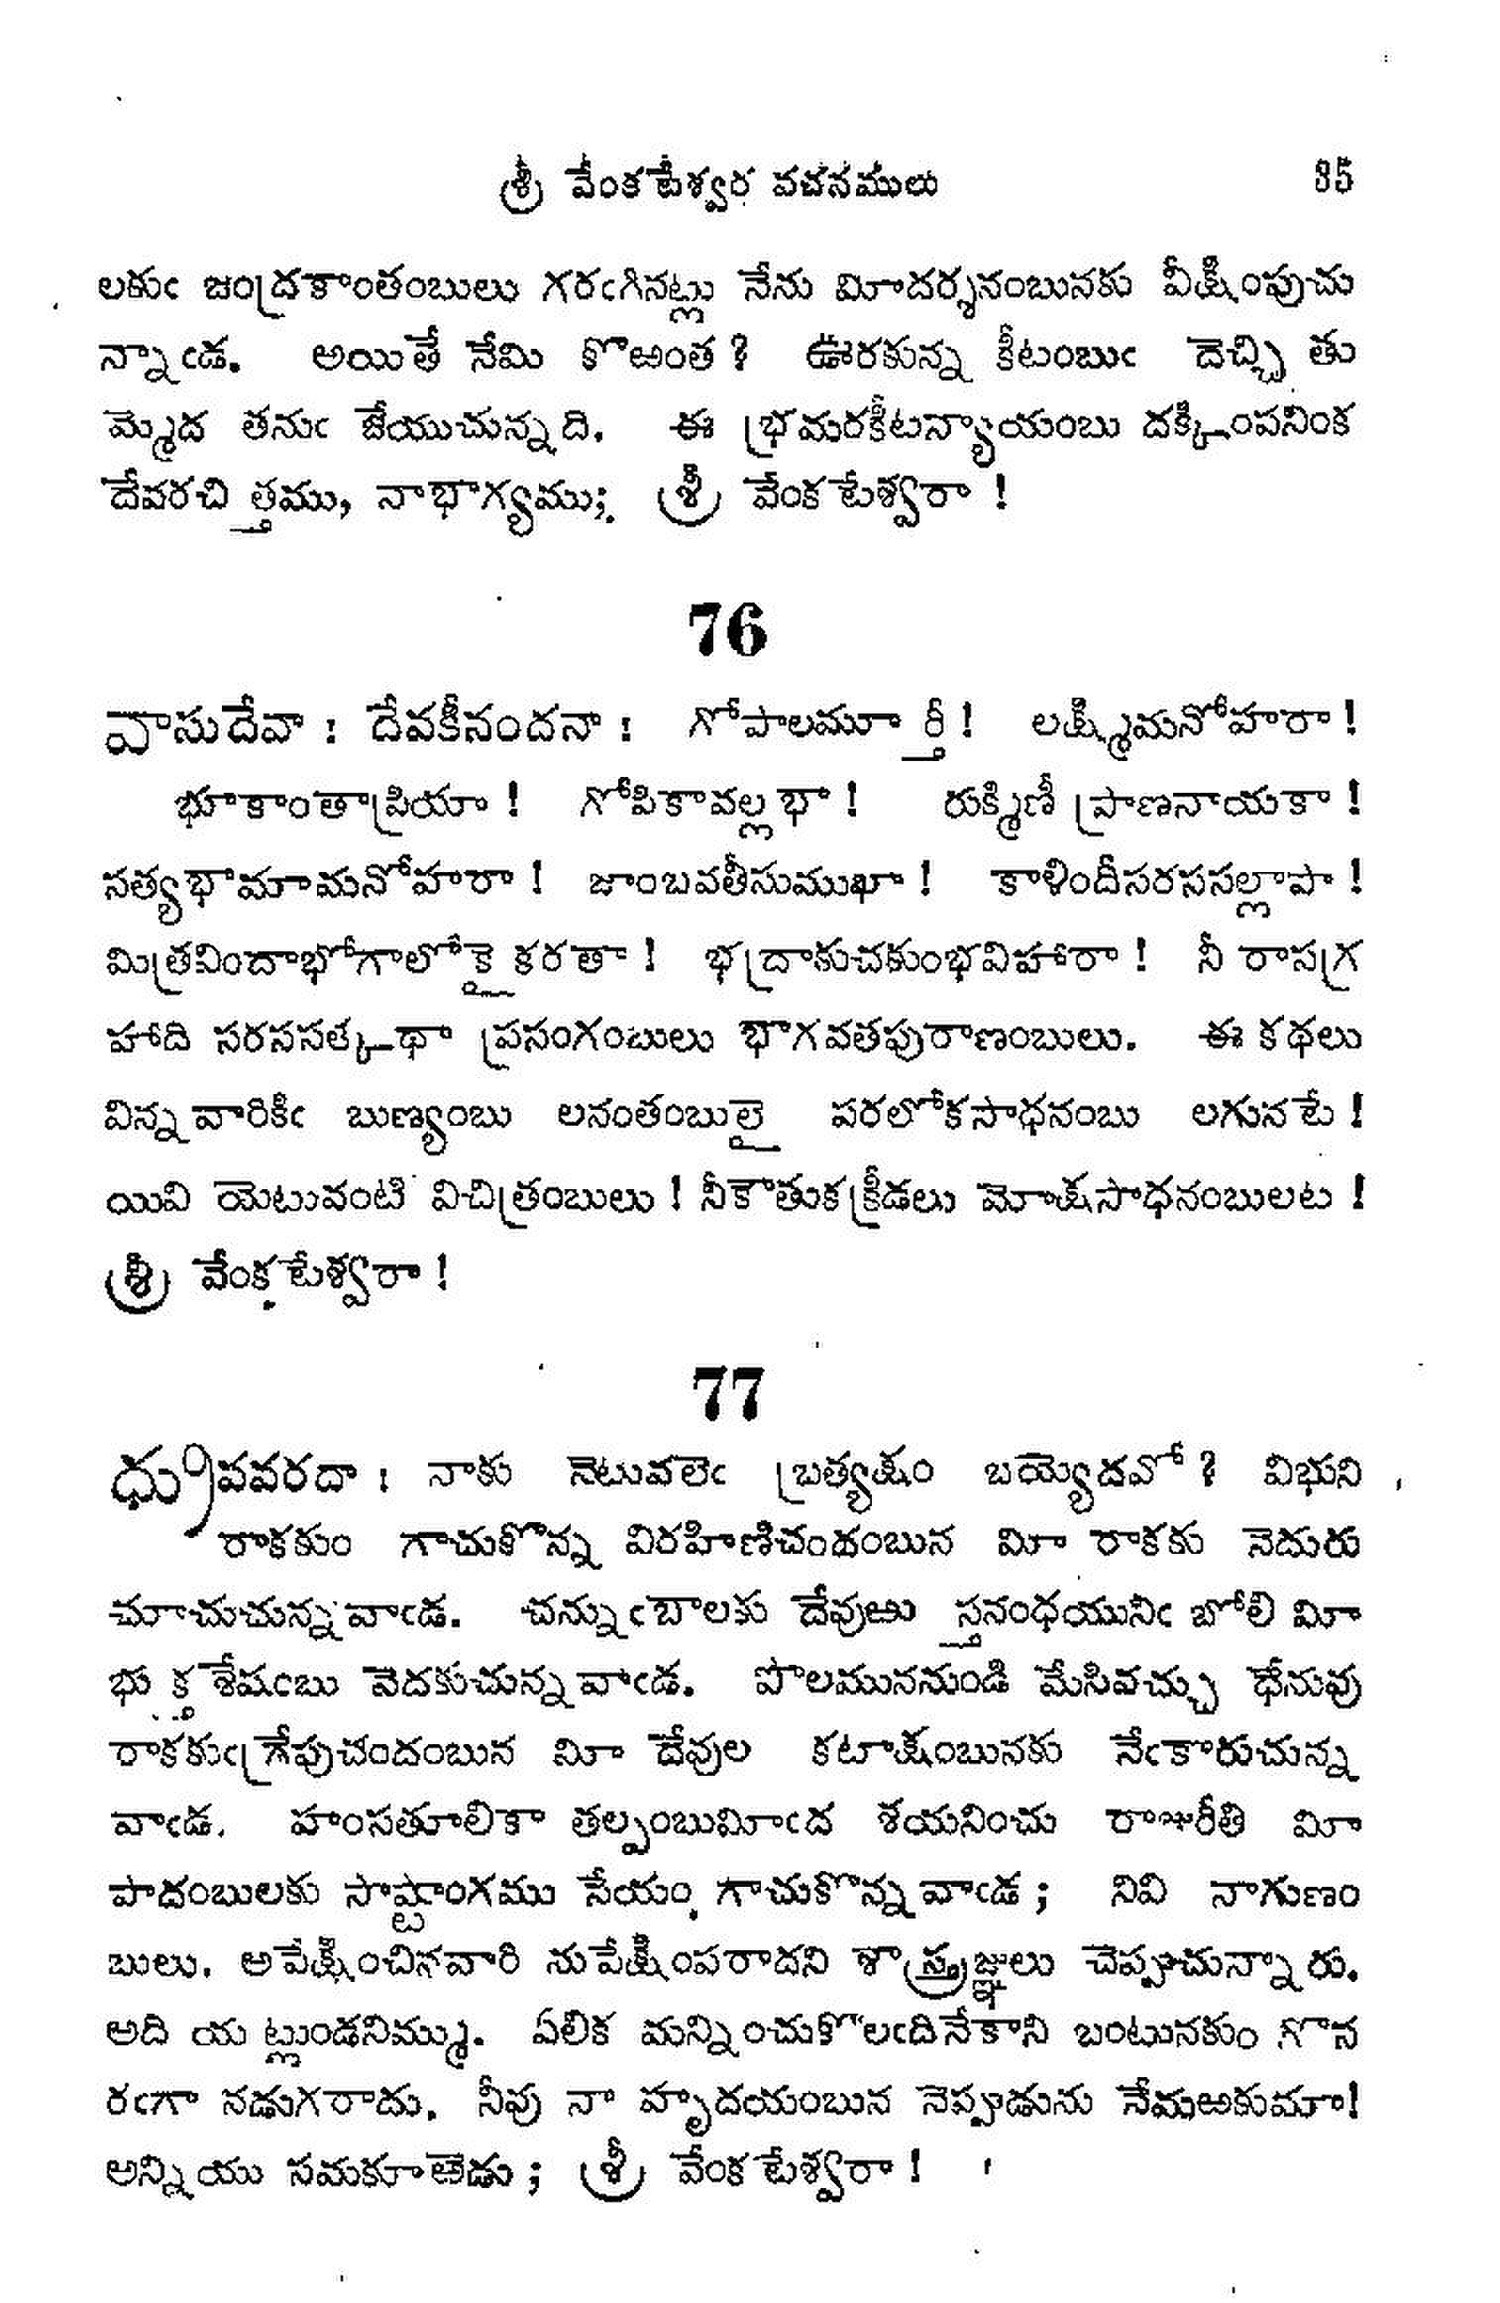లకుఁ జంద్రకాంతంబులు గరఁగినట్లు నేను మీదర్శనంబునకు వీక్షింపుచున్నాఁడ. అయితే నేమి కొఱంత ? ఊరకున్న కీటంబుఁ దెచ్చి తుమ్మెద తనుఁ జేయుచున్నది. ఈ భ్రమరకీటన్యాయంబు దక్కింపనింక దేవరచి త్తము, నాభాగ్యము; శ్రీ వేంకటేశ్వరా !

76

 ! గోపాలమూర్తీ! లక్ష్మి మనోహరా !
భూకాంతాప్రియా ! గోపికావల్లభా! రుక్మిణీ ప్రాణనాయకా ! సత్యభామామనోహరా ! జాంబవతీసుముఖా ! కాళిందీసరససల్లాపా ! మిత్రవిందాభోగాలోకైకరతా ! భద్రాకుచకుంభవిహారా ! నీ రాసగ్రహాది సరససత్కథా ప్రసంగంబులు భాగవత పురాణంబులు. ఈ కథలు విన్న వారికిఁ బుణ్యంబు లనంతంబులై పరలోక సాధనంబు లగునటే ! యివి యెటువంటి విచిత్రంబులు ! నీ కౌతుక క్రీడలు మోక్ష సాధనంబులట ! శ్రీ వేంకటేశ్వరా !

77

 ! నాకు నెటువలెఁ బ్రత్యక్షం బయ్యెదవో? విభుని, రాకకుం గాచుకొన్న విరహిణిచందంబున మీ రాకకు నెదురు చూచుచున్న వాఁడ. చన్నుఁబాలకు దేవుఱు స్తనంధయుని బోలి మీ భుక్త శేషంబు వెదకుచున్నవాఁడ. పొలముననుండి మేసివచ్చు ధేనువు రాకకుఁ గ్రేపుచందంబున మీ దేవుల కటాక్షంబునకు నేఁకారుచున్న వాఁడ, హంసతూలికా తల్పంబుమీఁద శయనించు రాజురీతి మీ పాదంబులకు సాష్టాంగము సేయం గాచుకొన్న వాఁడ; నివి నాగుణంబులు. అపేక్షించిన వారి నుపేక్షింపరాదని శాస్త్రజ్ఞులు చెప్పుచున్నారు. అది యట్లుండనిమ్ము. ఏలిక మన్నించుకొలఁదినే కానీ బంటునకుం గొనరఁగా నడుగరాదు, నీవు నా హృదయంబున నెప్పుడును నేమఱకుమా! అన్నియు సమకూఱెడు ; శ్రీ వేంకటేశ్వరా ! |